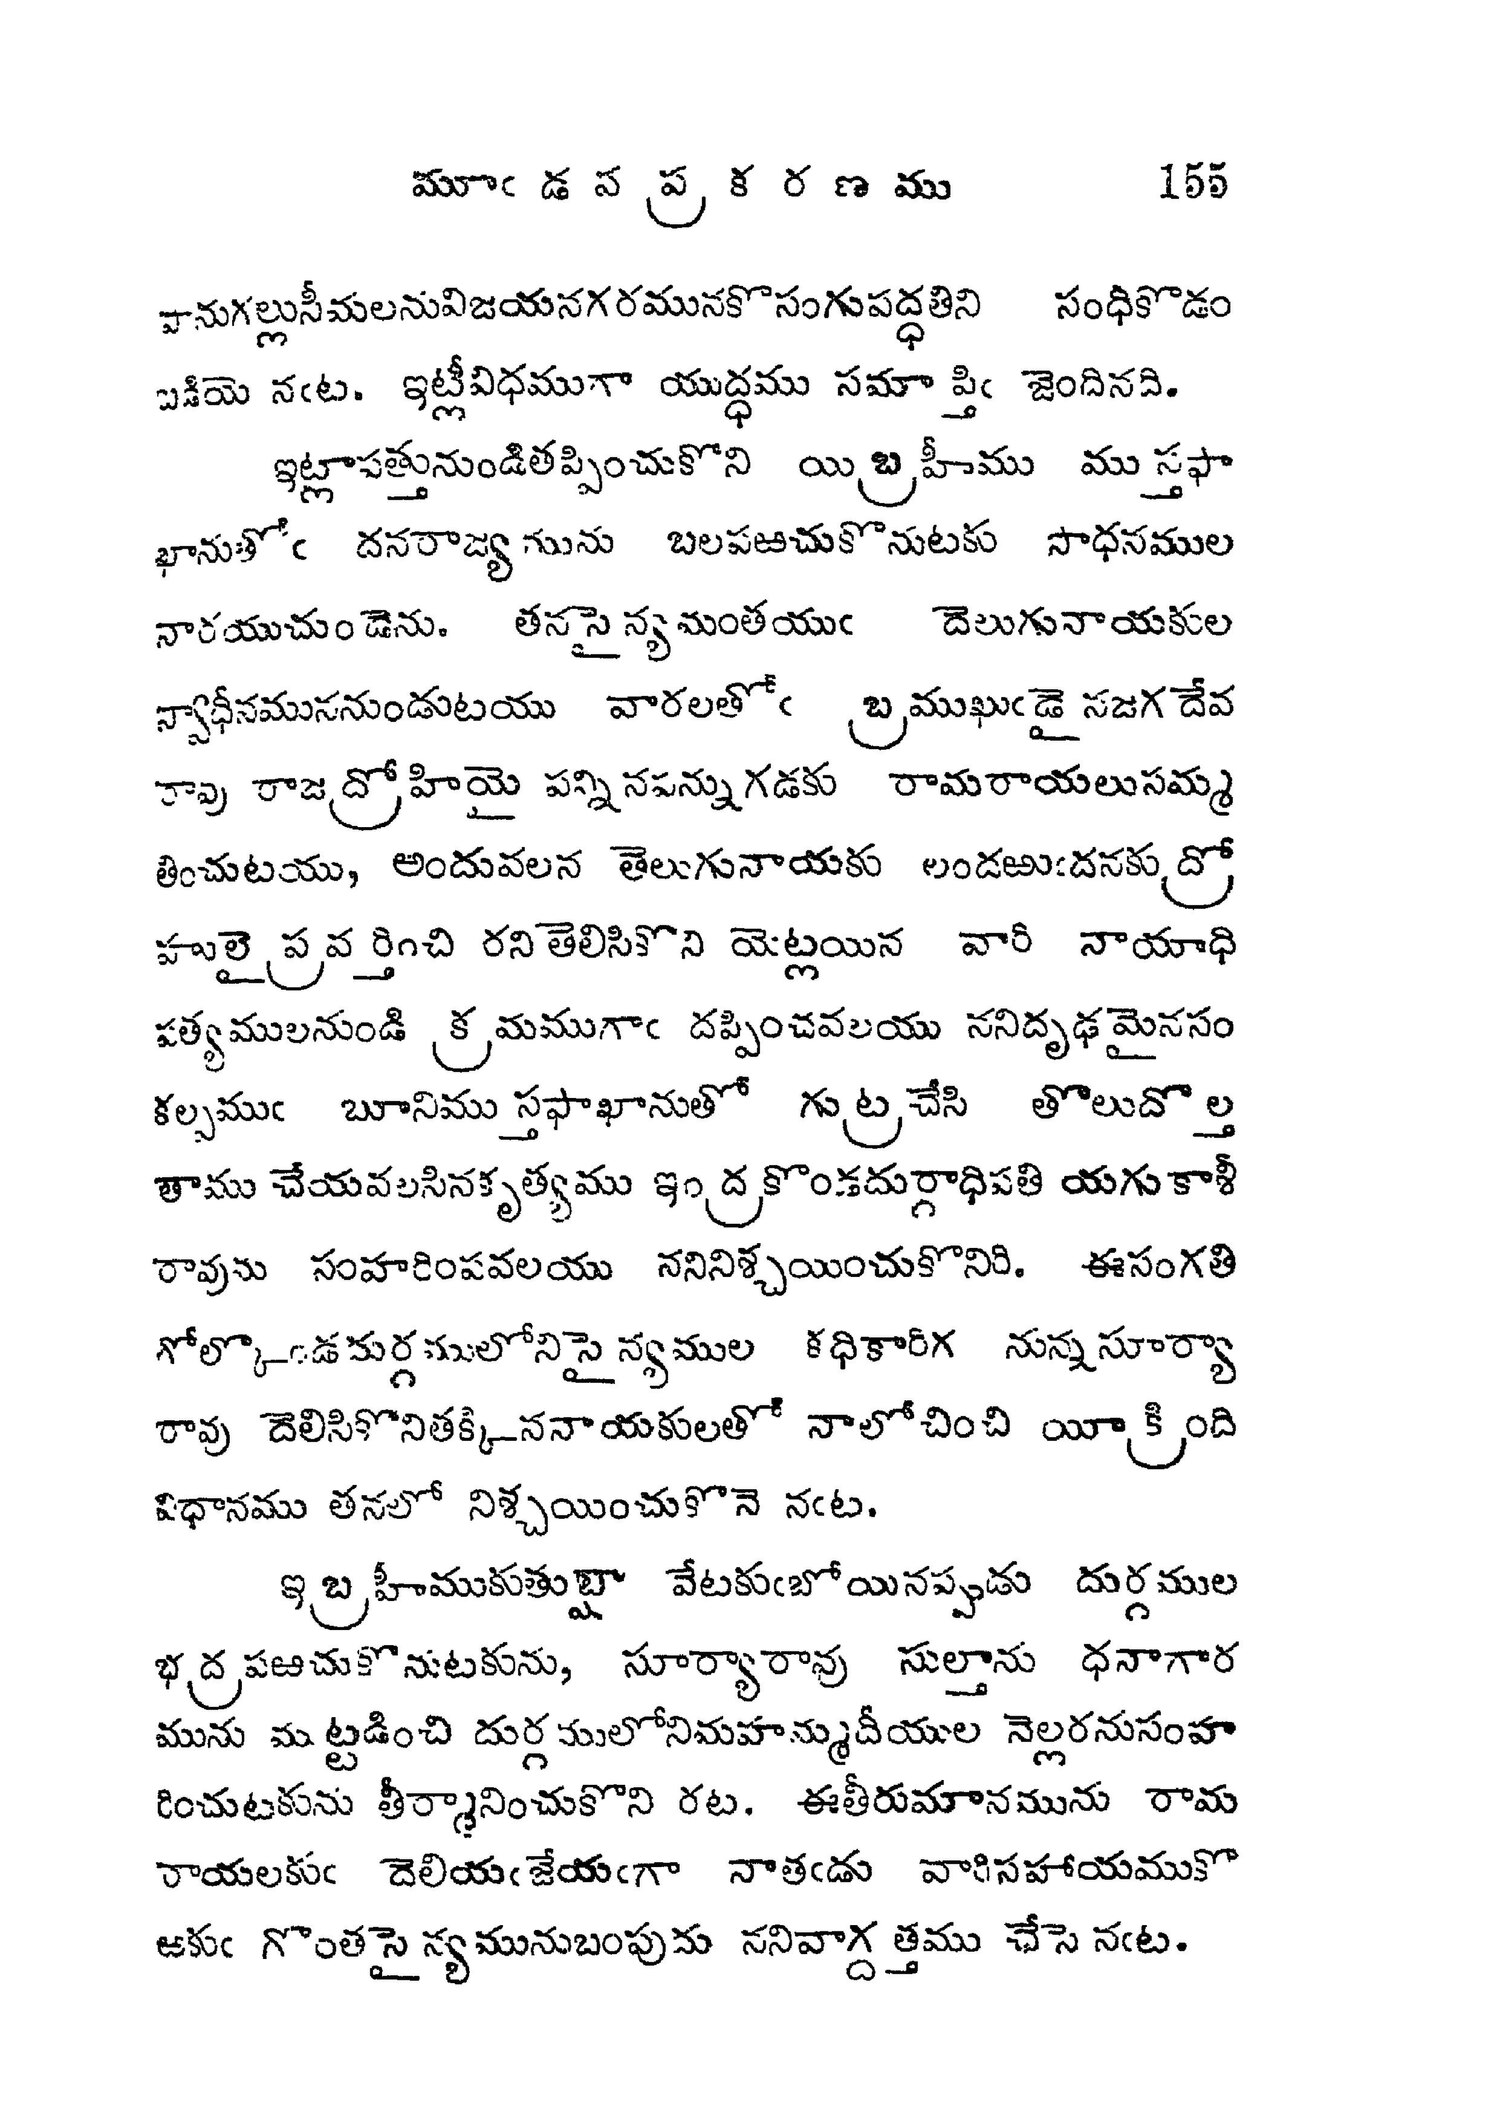పానుగల్లుసీమలను విజయనగరమునకొసంగుపద్ధతిని సంధికొడంబడియె నట. ఇట్లీవిధముగా యుద్ధము సమాప్తి జెందినది.

ఇట్లాపత్తునుండి తప్పించుకొని యిబ్రహీము ముస్తఫాఖానుతో దనరాజ్యమును బలపఱచుకొనుటకు సాధనముల నారయుచుండెను. తనసైన్యమంతయు దెలుగునాయకుల స్వాధీనముననుండుటయు వారలతో బ్రముఖుడైనజగదేవరావు రాజద్రోహియై పన్నినపన్నుగడకు రామరాయలుసమ్మతించుటయు, అందువలన తెలుగునాయకు లందఱుదనకుద్రోహులై ప్రవర్తించి రనితెలుసుకొని యెట్లయిన వారి నా యాధిపత్యములనుండి క్రమముగా దప్పించవలయు ననిదృడమైనసంకల్పము బూనిముస్తఫాఖానుతో గుట్రచేసి తొలుదొల్త తాము చేయవలసినకృత్యము ఇంద్రకొండదుర్గాధిపతి యగు కాశీరావును సంహరింపవలయు ననినిశ్చయించుకొనిరి. ఈసంగతి గోల్కొండదుర్గములోనిసైన్యముల కధికారిగ నున్నసూర్యారావు దెలిసికొనితక్కిననాయకులతో నాలోచించి యీక్రింది విధానము తనలో నిశ్చయించుకొనె నట.

ఇబ్రహీముకుతుబ్షా వేటకుబోయినప్పుడు దుర్గముల భద్రపఱచుకొనుటకును, సూర్యారావు సుల్తాను ధనాగారమును ముట్టడించి దుర్గములోని మహమ్మదీయుల నెల్లరనుసంహరించుటకును తీర్మానించుకొని రట. ఈతీరుమానమును రామరాయలకు దెలియజేయగా నాతడు వారిసహాయముకొఱకు గొంతసైన్యమునుబంపుదు ననివాగ్దత్తము చేసెనట.